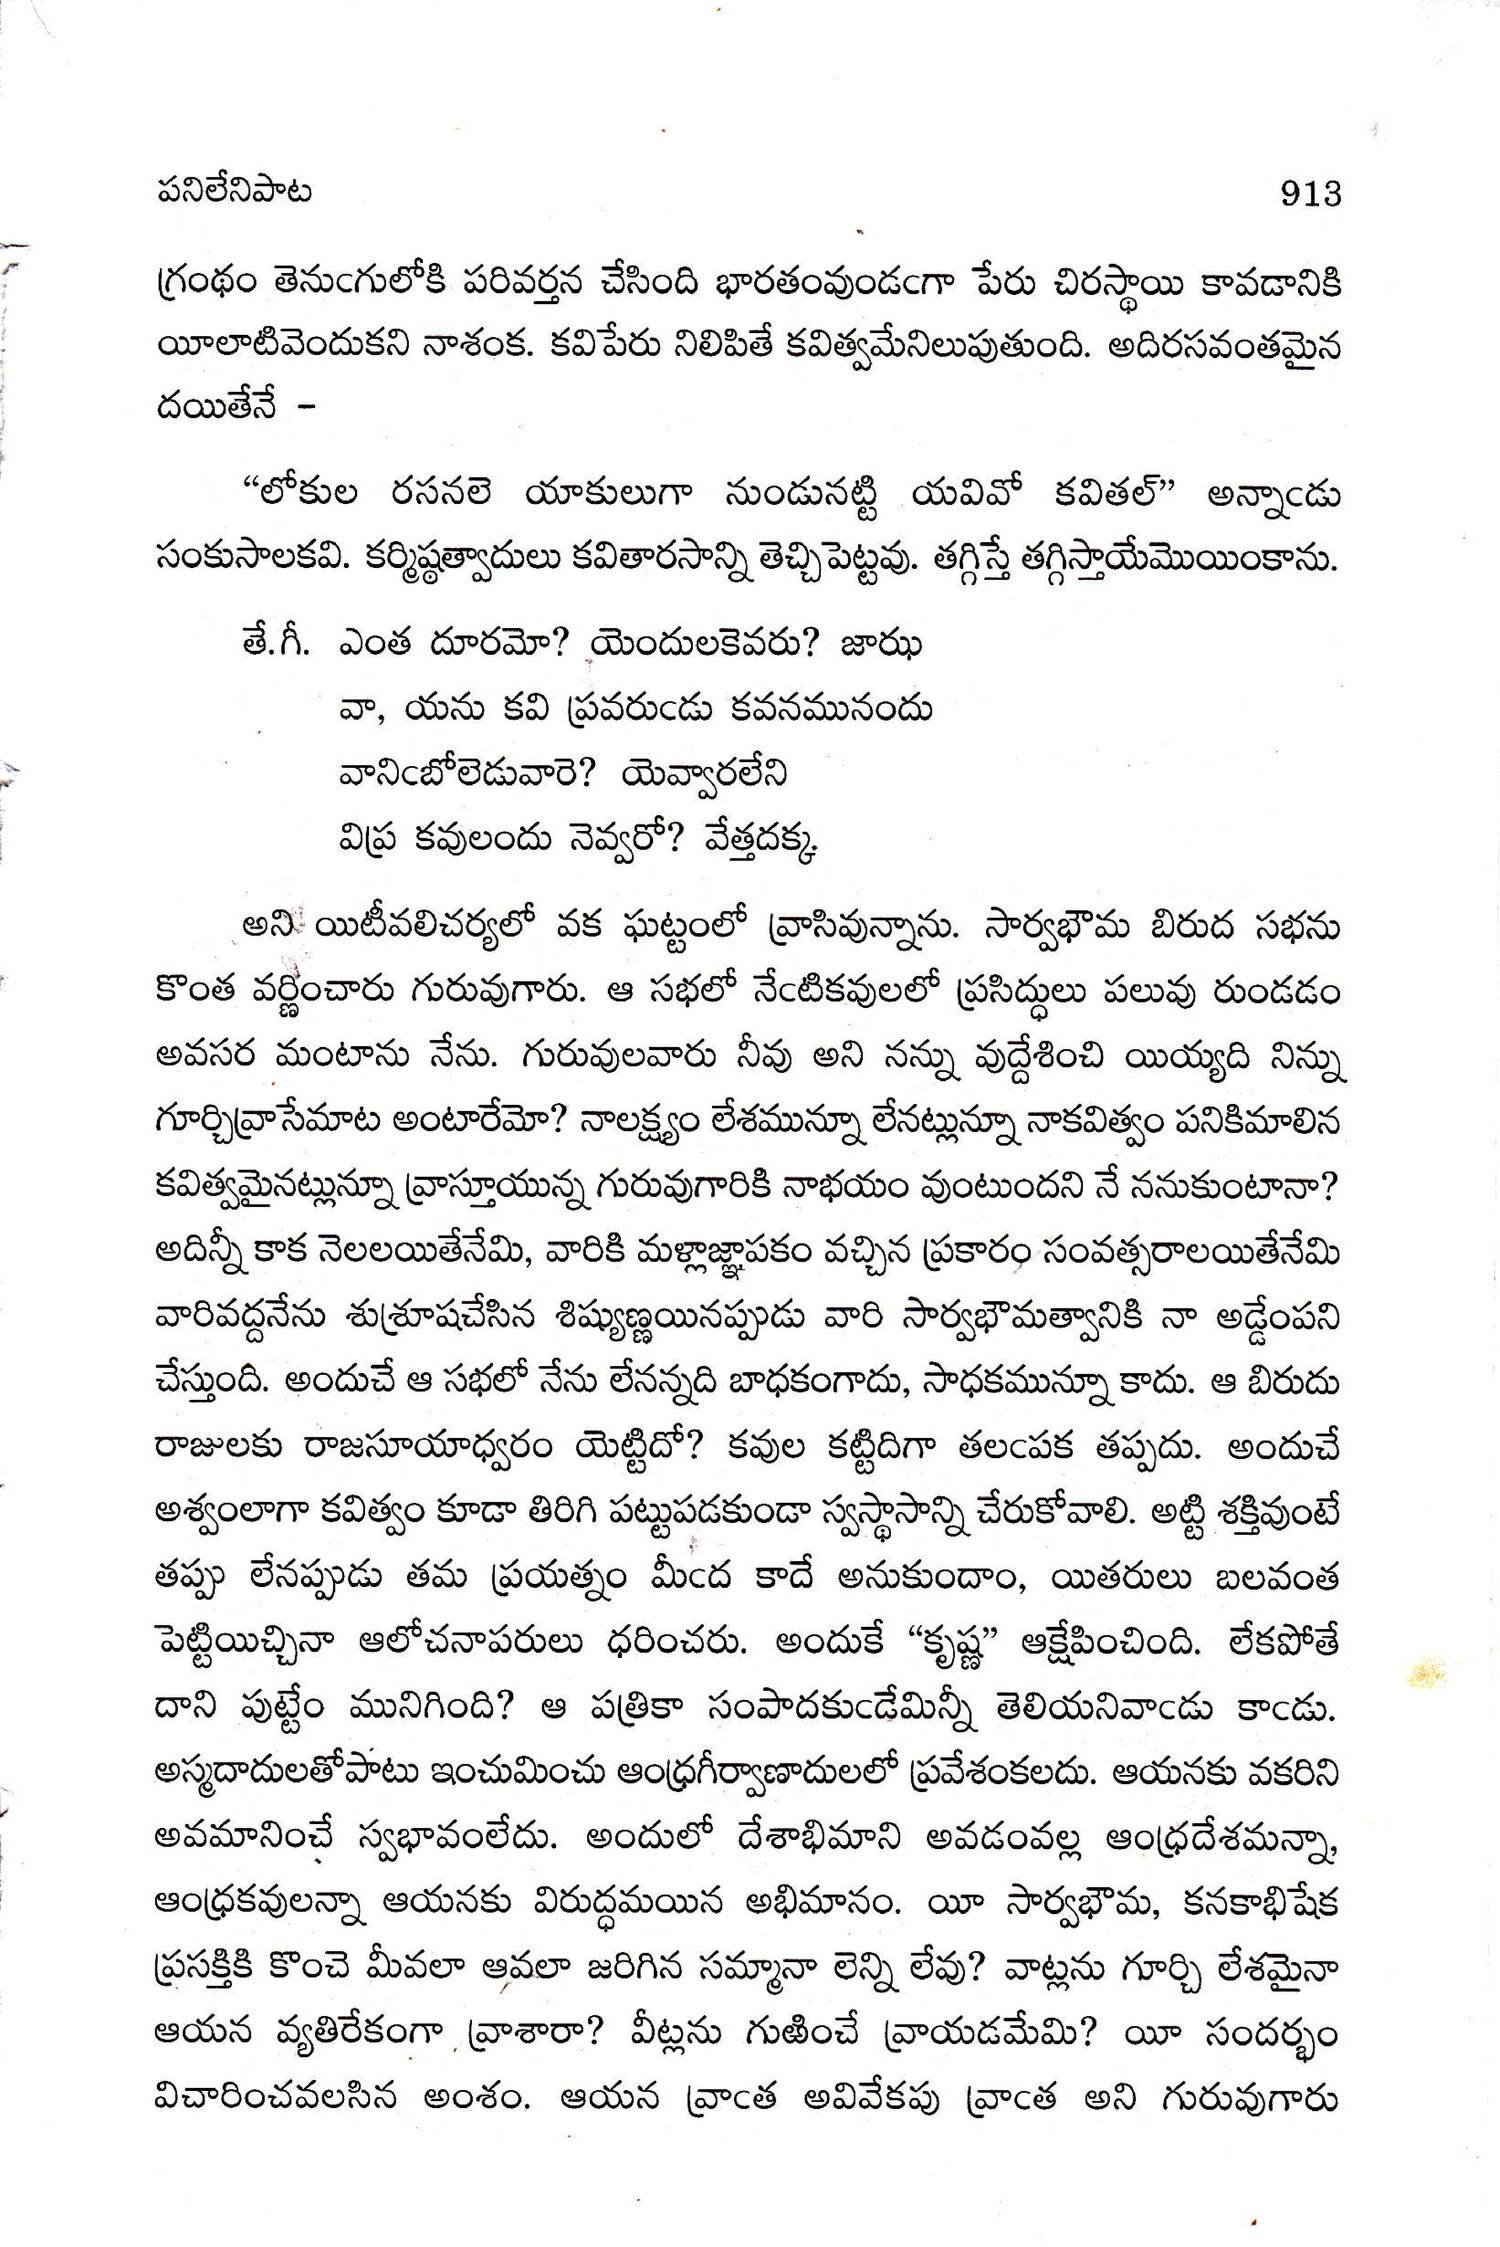గ్రంథం తెనుఁగులోకి పరివర్తన చేసింది భారతంవుండఁగా పేరు చిరస్థాయి కావడానికి యీలాటివెందుకని నాశంక. కవిపేరు నిలిపితే కవిత్వమేనిలుపుతుంది. అదిరసవంతమైన దయితేనే -

"లోకుల రసనలె యాకులుగా నుండునట్టి యవివో కవితల్" అన్నాఁడు సంకుసాలకవి. కర్మిష్ఠత్వాదులు కవితారసాన్ని తెచ్చిపెట్టవు. తగ్గిస్తే తగ్గిస్తాయేమొయింకాను.

తే.గీ. ఎంత దూరమో? యెందులకెవరు? జాఝ 
 వా, యను కవి ప్రవరుఁడు కవనమునందు 
 వానిఁబోలెడువారె? యెవ్వారలేని 
 విప్ర కవులందు నెవ్వరో? వేత్తదక్క
అని యిటీవలిచర్యలో వక ఘట్టంలో వ్రాసివున్నాను. సార్వభౌమ బిరుద సభను కొంత వర్ణించారు గురువుగారు. ఆ సభలో నేఁటికవులలో ప్రసిద్దులు పలువు రుండడం అవసర మంటాను నేను. గురువులవారు నీవు అని నన్ను వుద్దేశించి యియ్యది నిన్ను గూర్చివ్రాసేమాట అంటారేమో? నాలక్ష్యం లేశమున్నూ లేనట్లున్నూ నాకవిత్వం పనికిమాలిన కవిత్వమైనట్లున్నూ వ్రాస్తూయున్న గురువుగారికి నాభయం వుంటుందని నే ననుకుంటానా? అదిన్నీ కాక నెలలయితేనేమి, వారికి మళ్లాజ్ఞాపకం వచ్చిన ప్రకారం సంవత్సరాలయితేనేమి వారివద్దనేను శుశ్రూషచేసిన శిష్యుణ్ణయినప్పుడు వారి సార్వభౌమత్వానికి నా అడ్డేంపని చేస్తుంది. అందుచే ఆ సభలో నేను లేనన్నది బాధకంగాదు, సాధకమున్నూ కాదు. ఆ బిరుదు రాజులకు రాజసూయాధ్వరం యెట్టిదో? కవుల కట్టిదిగా తలఁపక తప్పదు. అందుచే అశ్వంలాగా కవిత్వం కూడా తిరిగి పట్టుపడకుండా స్వస్థాసాన్ని చేరుకోవాలి. అట్టి శక్తివుంటే తప్పు లేనప్పుడు తమ ప్రయత్నం మీఁద కాదే అనుకుందాం, యితరులు బలవంత పెట్టియిచ్చినా ఆలోచనాపరులు ధరించరు. అందుకే "కృష్ణ" ఆక్షేపించింది. లేకపోతే దాని పుట్టేం మునిగింది? ఆ పత్రికా సంపాదకుఁడేమిన్నీ తెలియనివాఁడు కాఁడు. అస్మదాదులతోపాటు ఇంచుమించు ఆంధ్రగీర్వాణాదులలో ప్రవేశంకలదు. ఆయనకు వకరిని అవమానించే స్వభావంలేదు. అందులో దేశాభిమాని అవడంవల్ల ఆంధ్రదేశమన్నా ఆంధ్రకవులన్నా ఆయనకు విరుద్ధమయిన అభిమానం. యీ సార్వభౌమ, కనకాభిషేక ప్రసక్తికి కొంచె మీవలా ఆవలా జరిగిన సమ్మానా లెన్ని లేవు? వాట్లను గూర్చి లేశమైనా ఆయన వ్యతిరేకంగా వ్రాశారా? వీట్లను గుఱించే వ్రాయడమేమి? యీ సందర్భం విచారించవలసిన అంశం. ఆయన వ్రాఁత అవివేకపు వ్రాఁత అని గురువుగారు